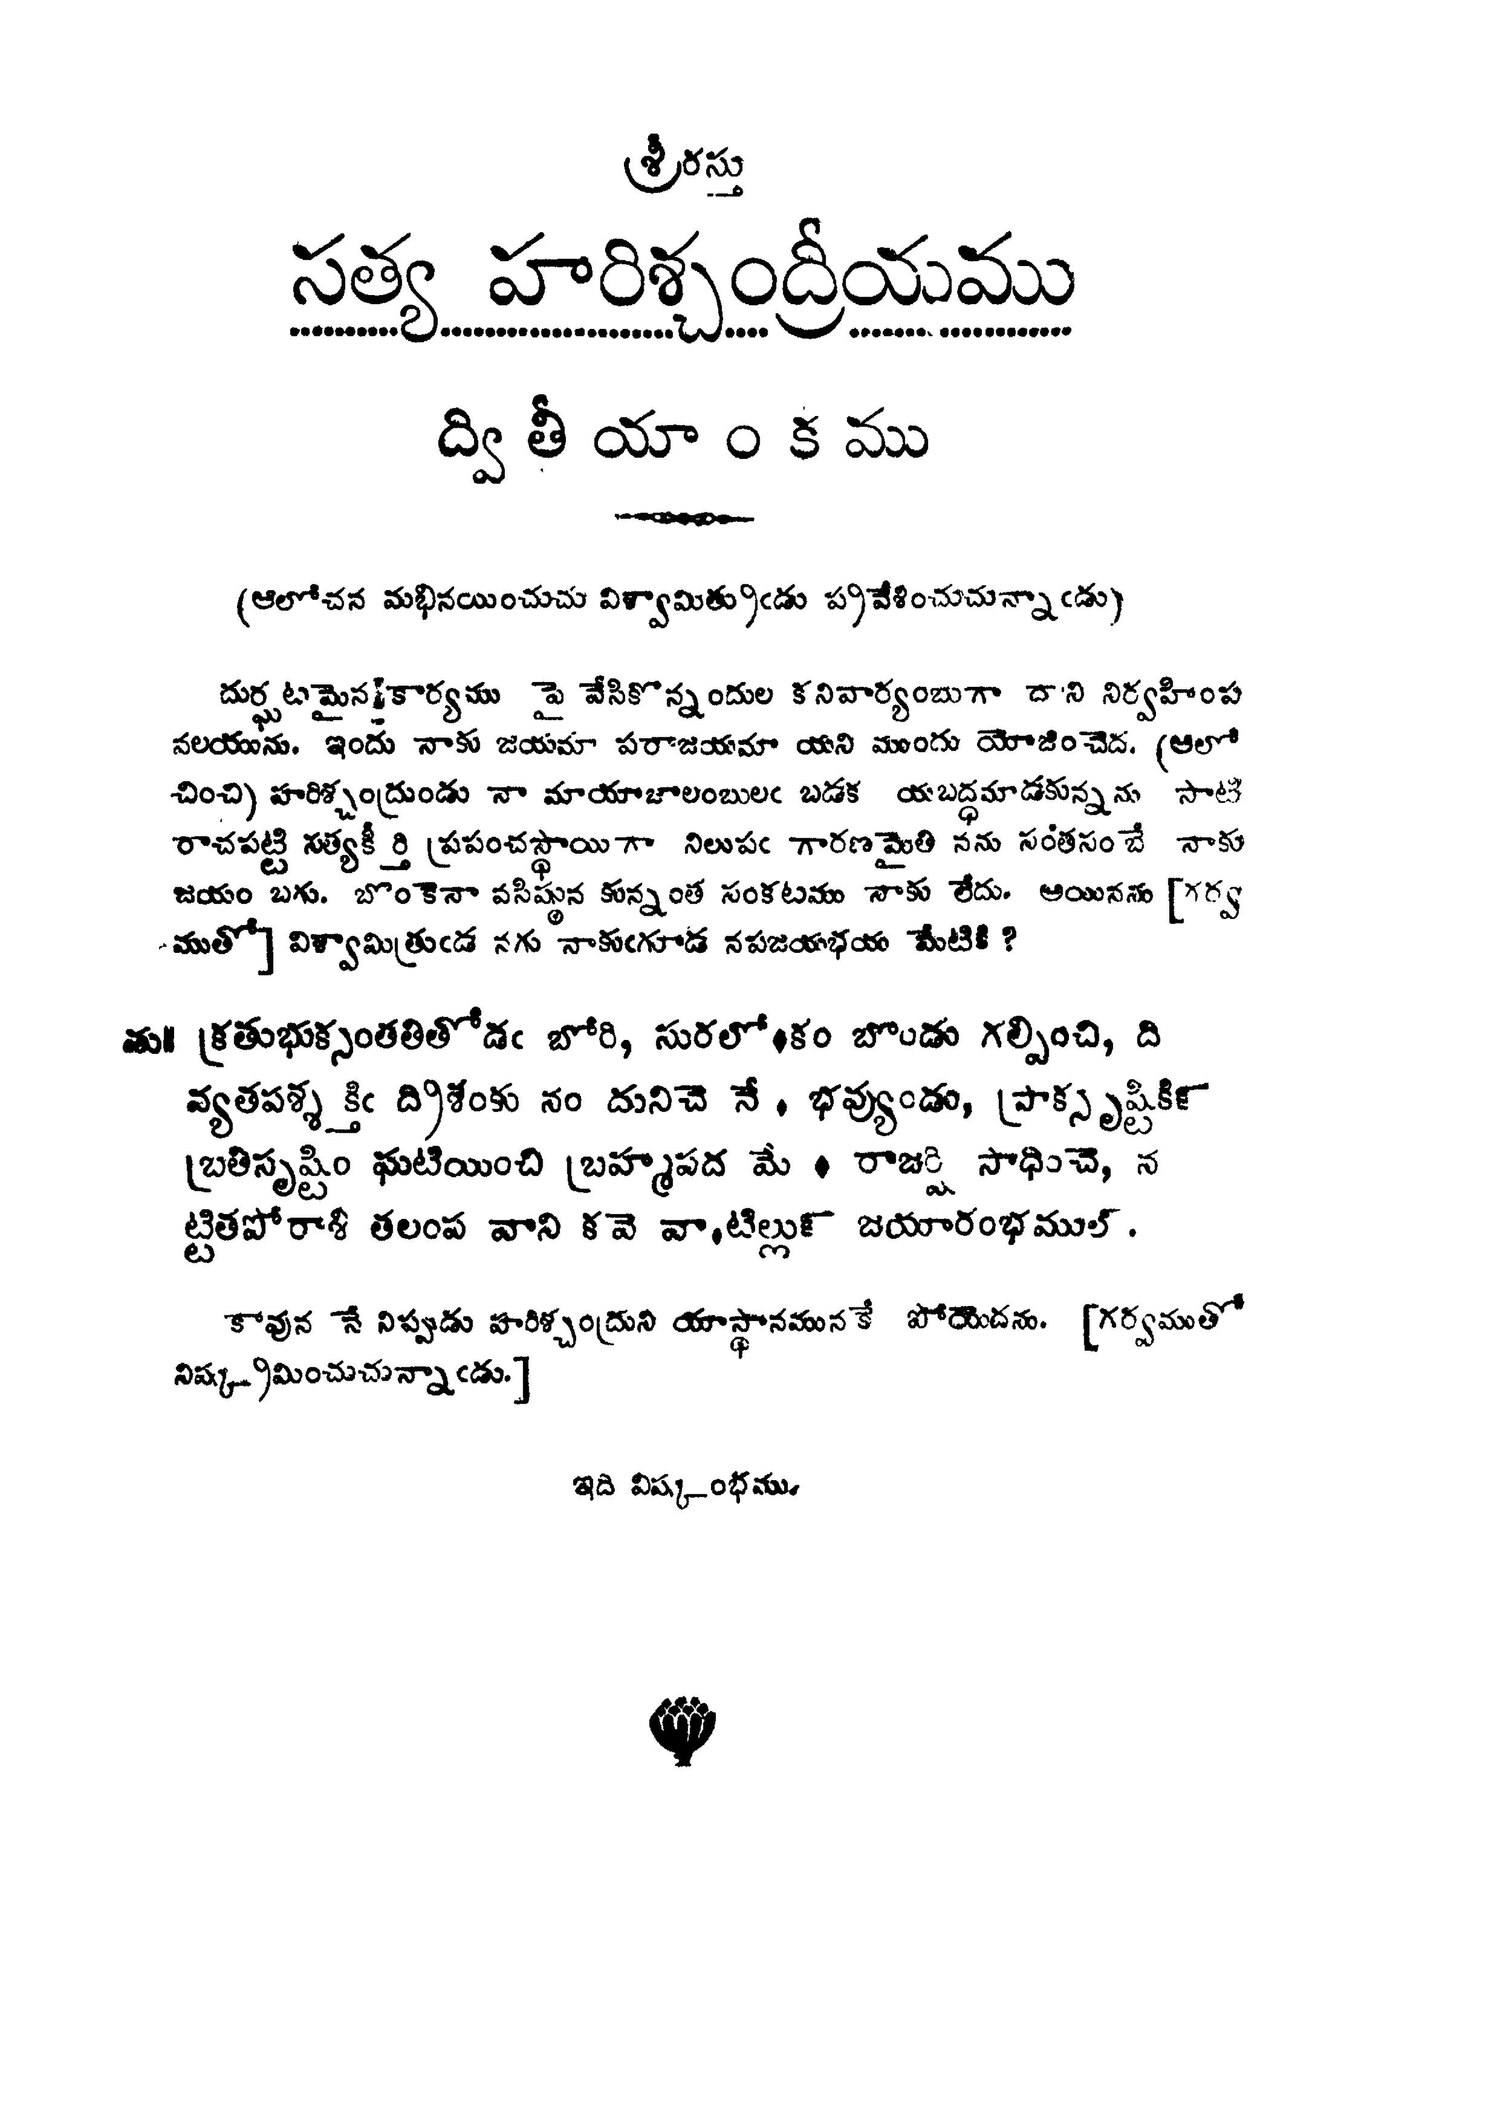(ఆలోచన మభినయించుచు విశ్వామిత్రుడు ప్రవేశించుచున్నాడు)

దుర్ఘటమైన కార్యము పై వేసికొన్నందుల కనివార్యంబుగా దాని నిర్వహింపవలయును. ఇందు నాకు జయమా పరాజయమా యని ముందు యోజించెద. (ఆలోచించి) హరిశ్చంద్రుండు నా మాయాజాలంబుల బడక యబద్ధమాడకున్నను సాటి రాచపట్టి సత్యకీర్తి ప్రపంచస్థాయిగా నిలుప గారణమైతి నను సంతసంచే నాకు జయం బగు. బొంకెనా వసిష్ఠున కున్నంత సంకటము నాకు లేదు. అయినను (గర్వముతో) విశ్వామిత్రుడ నగు నాకు గూడ నపజయ భయమేటికి?

మ|| క్రతుభుక్సంతతితోడ బోరి, సురలోకం బొండు గల్పించి, ది
వ్యతపశ్శక్తి ద్రిశంకు నం దునిచె నే భ్యవ్యుండు, ప్రాక్సష్టికిన్
బ్రతిసృష్టిం ఘటియించి బ్రహ్మపద మే రాజర్షి సాధించె, న
ట్టితపోరాశి తలంప వాని కవె వాటిల్లున్ జయారంభముల్.

కావున నే నిప్పుడు హరిశ్చంద్రుని యాస్థానమునకే పోయెదను. (గర్వముతో నిష్క్రమించుచున్నాడు.)

ఇది విష్కంభము.